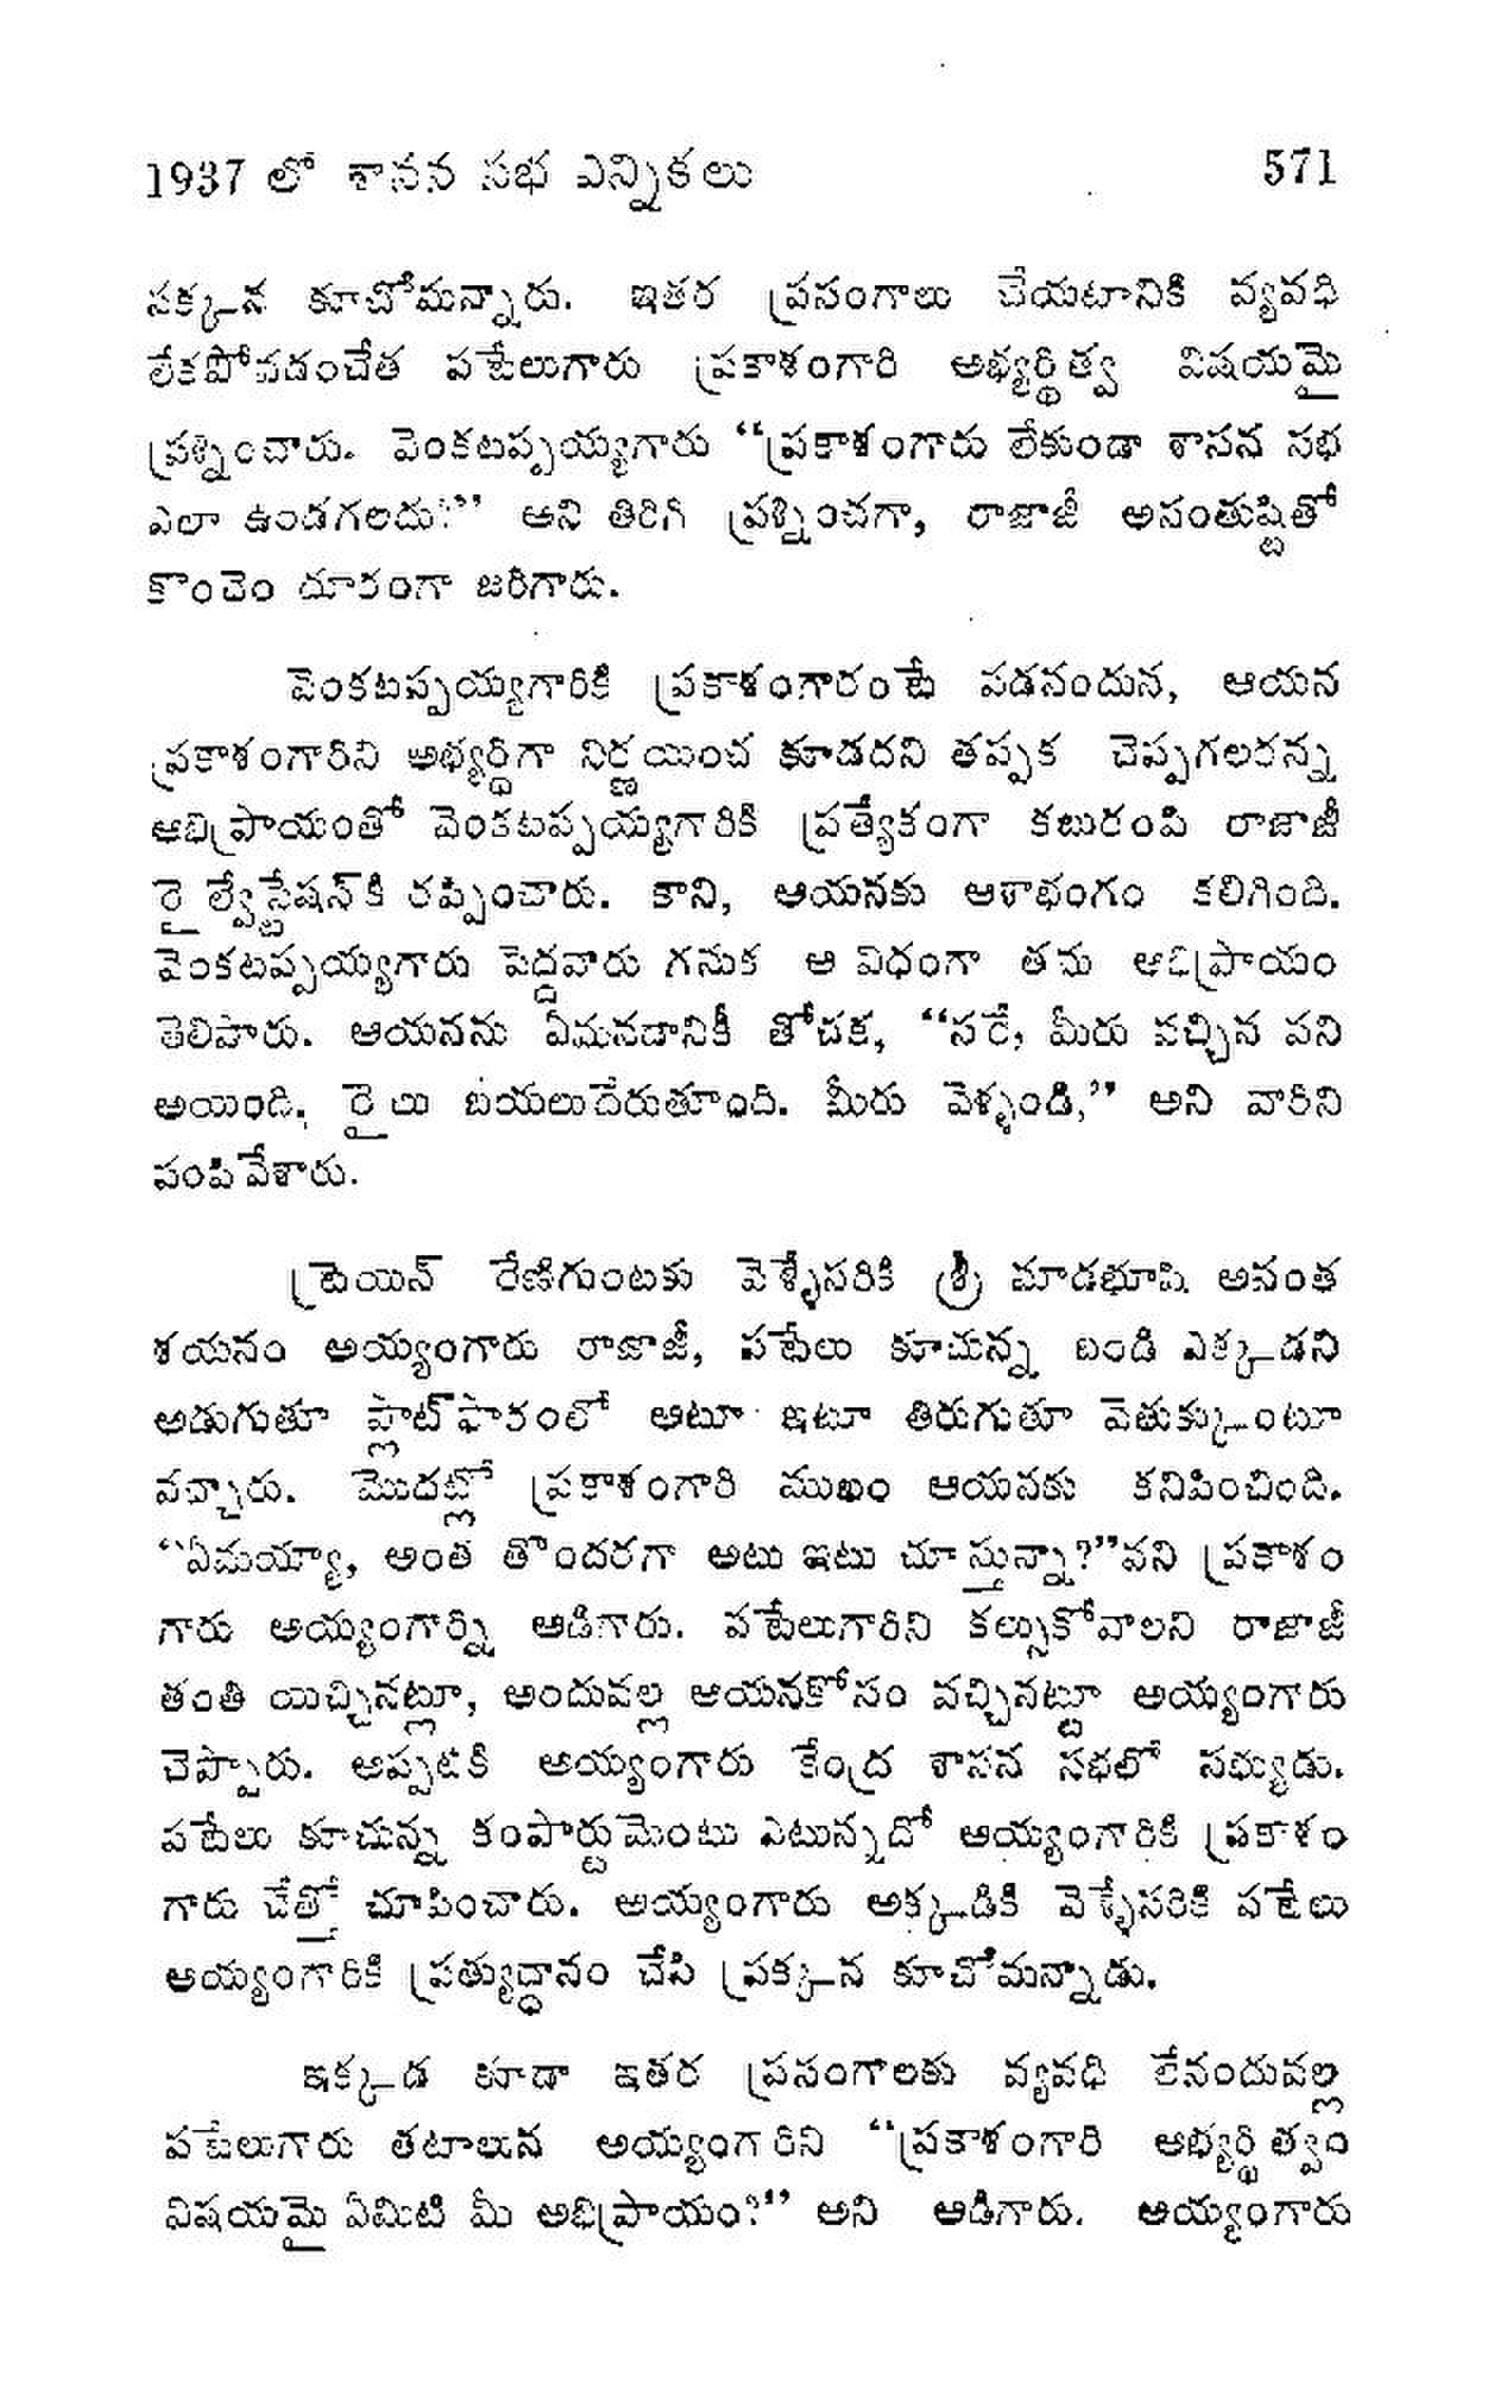పక్కన కూచోమన్నారు. ఇతర ప్రసంగాలు చేయటానికి వ్యవధి లేకపోవడంచేత పటేలుగారు ప్రకాశంగారి అభ్యర్థిత్వ విషయమై ప్రశ్నించారు. వెంకటప్పయ్యగారు "ప్రకాశంగారు లేకుండా శాసన సభ ఎలా ఉండగలదు." అని తిరిగి ప్రశ్నించగా, రాజాజీ అసంతుష్టితో కొంచెం దూరంగా జరిగారు.

వెంకటప్పయ్యగారికి ప్రకాశంగారంటే పడనందున, ఆయన ప్రకాశంగారిని అభ్యర్థిగా నిర్ణయించ కూడదని తప్పక చెప్పగలరన్న అభిప్రాయంతో వెంకటప్పయ్యగారికి ప్రత్యేకంగా కబురంపి రాజాజీ రైల్వేస్టేషన్‌కి రప్పించారు. కాని, ఆయనకు ఆశాభంగం కలిగింది. వెంకయప్పయ్య గారు పెద్దవారు గనుక ఆ విధంగా తమ అభిప్రాయం తెలిపారు. ఆయనను ఏమనడానికి తోచక, "సరే, మీరు వచ్చిన పని అయింది. రైలు బయలుదేరుతూంది. మీరు వెళ్ళండి." అని వారిని పంపివేశారు.

ట్రెయిన్ రేణిగుంటకు వెళ్ళేసరికి శ్రీ మాడభూషి అనంతశయనం అయ్యంగారు రాజాజీ, పటేలు కూచున్న బండి ఎక్కడని అడుగుతూ ప్లాట్‌ఫారంలో అటూ ఇటూ తిరుగుతూ వెతుక్కుంటూ వచ్చారు. మొదట్లో ప్రకాశంగారి ముఖం ఆయనకు కనిపించింది. "ఏమయ్యా, అంత తొందరగా అటు ఇటు చూస్తున్నా?"వని ప్రకాశంగారు అయ్యంగార్ని అడిగారు. పటేలు గారిని కల్సుకోవాలని రాజాజీ తంతి యిచ్చినట్లూ, అందువల్ల ఆయనకోసం వచ్చినట్టూ అయ్యంగారు చెప్పారు. అప్పటికి అయ్యంగారు కేంద్ర శాసన సభలో సభ్యుడు. పటేలు కూచున్న కంపార్టుమెంటు ఎటున్నదో అయ్యంగారికి ప్రకాశంగారు చేత్తో చూపించారు. అయ్యంగారు అక్కడికి వెళ్ళేసరికి పటేలు అయ్యంగారికి ప్రత్యుద్ధానం చేసి ప్రక్కన కూచోమన్నాడు.

ఇక్కడ కూడా ఇతర ప్రసంగాలకు వ్యవధి లేనందువల్ల పటేలుగారు తటాలున అయ్యంగారిని "ప్రకాశంగారి అభ్యర్థిత్వం విషయమై ఏమిటి మీ అభిప్రాయం?" అని అడిగారు. అయ్యంగారు